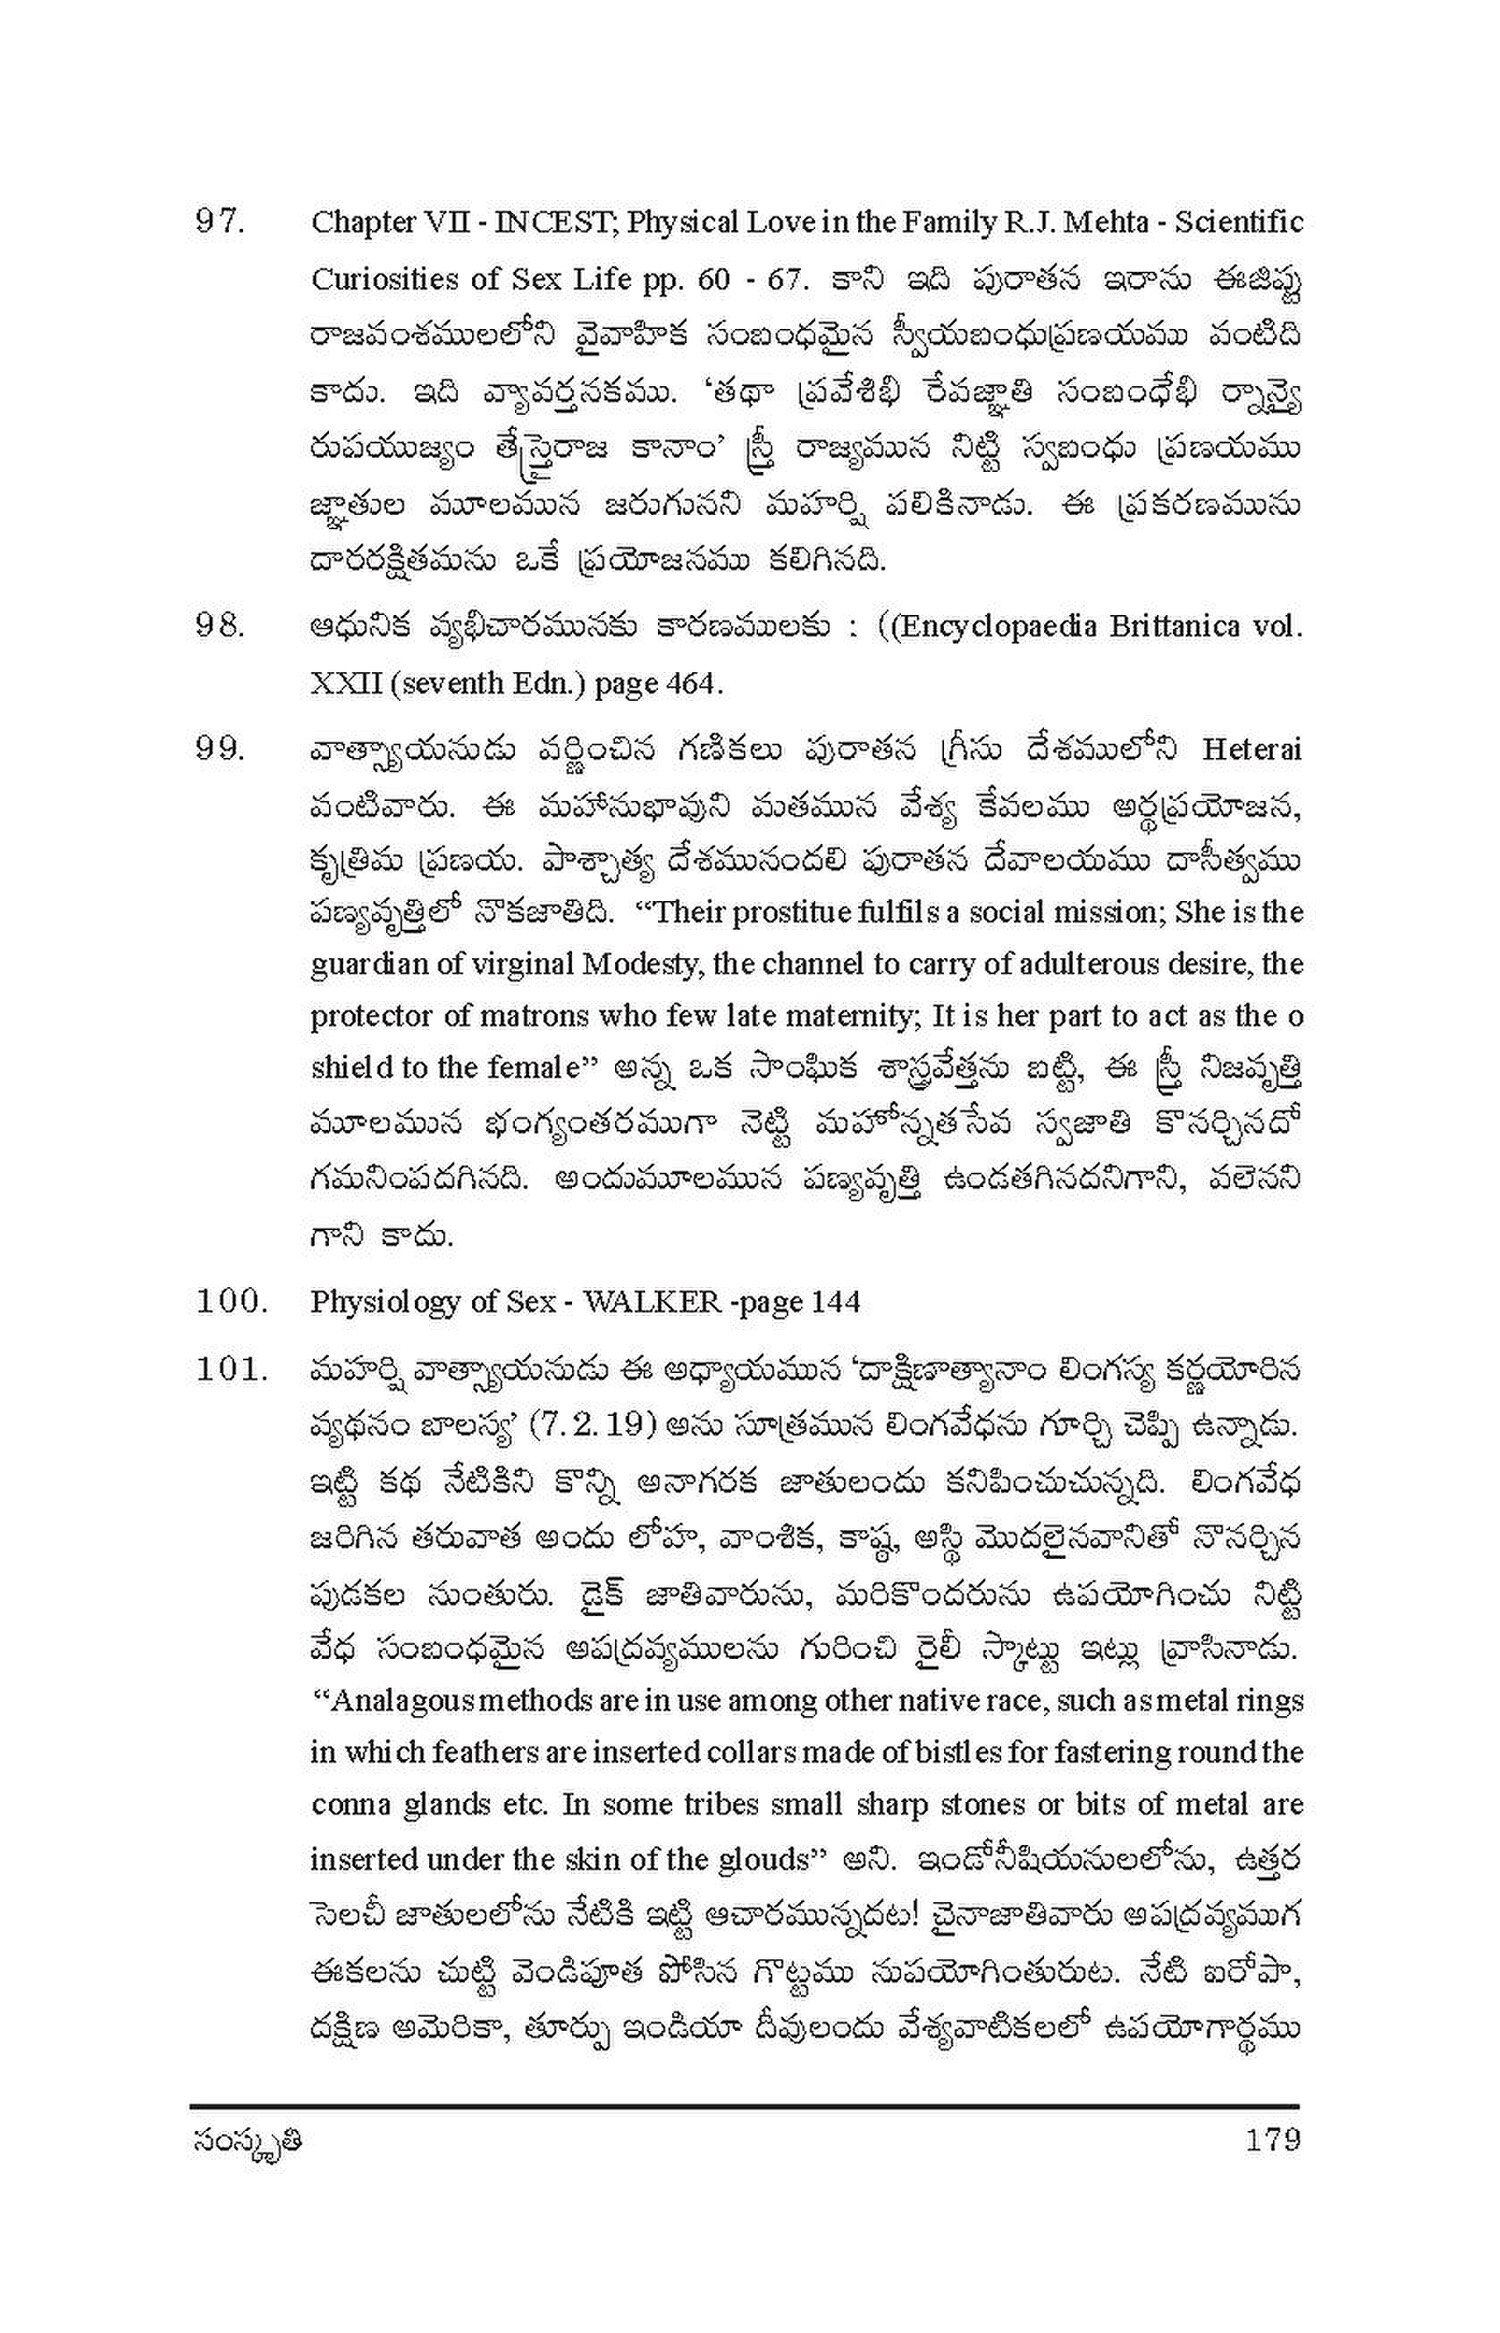97.Chapter VII - INCEST, Physical Love in the Family R. J. Mehta - Scientific
Curiosities of Sex Life pp. 60-67. కాని ఇది పురాతన ఇరాను ఈజిప్టు
రాజవంశములలోని వైవాహిక సంబంధమైన స్వీయబంధుప్రణయము వంటిది
కాదు. ఇది వ్యావర్తనకము. 'తథా ప్రవేశిభి రేవజ్ఞాతి సంబంధేభి ర్నాన్యై
రుపయుజ్యం తేస్త్రిరాజ కానాం' స్త్రీ రాజ్యమున నిట్టి స్వబంధు ప్రణయము
జ్ఞాతుల మూలమున జరుగునని మహర్షి పలికినాడు. ఈ ప్రకరణమును
దారరక్షితమను ఒకే ప్రయోజనము కలిగినది.

98. ఆధునిక వ్యభిచారమునకు కారణములకు : (Encyclopaedia Brittanica vol.
XXII (seventh Edn.) page 464.

99. వాత్స్యాయనుడు వర్ణించిన గణికలు పురాతన గ్రీసు దేశములోని Heterai
వంటివారు. ఈ మహానుభావుని మతమున వేశ్య కేవలము అర్థప్రయోజన,
కృత్రిమ ప్రణయ. పాశ్చాత్య దేశమునందలి పురాతన దేవాలయము దాసీత్వము
పణ్యవృత్తిలో నొకజాతిది. "Their prostitute fulfils a social mission; She is the
guardian of virginal Modesty, the channel to carry of adulterous desire, the
protector of matrons who few late maternity; It is her part to act as the o
shield to the female” అన్న ఒక సాంఘిక శాస్త్రవేత్తను బట్టి, ఈ స్త్రీ నిజవృత్తి
మూలమున భంగ్యంతరముగా నెట్టి మహోన్నతసేవ స్వజాతి కొనర్చినదో
గమనింపదగినది. అందుమూలమున పణ్యవృత్తి ఉండతగినదనిగాని, వలెనని
గాని కాదు.

100. Physiology of Sex WALKER -page 144

101. మహర్షి వాత్స్యాయనుడు ఈ అధ్యాయమున ‘దాక్షిణాత్యానాం లింగస్య కర్ణయోరిన
వ్యథనం బాలస్య (7.2.19) అను సూత్రమున లింగవేధను గూర్చి చెప్పి ఉన్నాడు.
ఇట్టి కథ నేటికిని కొన్ని అనాగరిక జాతులందు కనిపించుచున్నది. లింగవేధ
జరిగిన తరువాత అందు లోహ, వాంశిక, కాష్ఠ, అస్థి మొదలైన వానితో నొనర్చిన
పుడకల నుంతురు. డైక్ జాతివారును, మరికొందరును ఉపయోగించు నిట్టి
వేధ సంబంధమైన అపద్రవ్యములను గురించి రైలీ స్కాట్టు ఇట్లు వ్రాసినాడు.
"Analagous methods are in use among other native race, such as metal rings
in which feathers are inserted collars made of bristles for fastering round the
conna glands etc. In some tribes small sharp stones or bits of metal are
inserted under the skin of the glouds" అని. ఇండోనీషియనులలోను, ఉత్తర
సెలచీ జాతులలోను నేటికి ఇట్టి ఆచారమున్నదట! చైనాజాతివారు అపద్రవ్యముగ
ఈకలను చుట్టి వెండిపూత పోసిన గొట్టము నుపయోగింతురుట. నేటి ఐరోపా,
దక్షిణ అమెరికా, తూర్పు ఇండియా దీవులందు వేశ్యవాటికలలో ఉపయోగార్థము